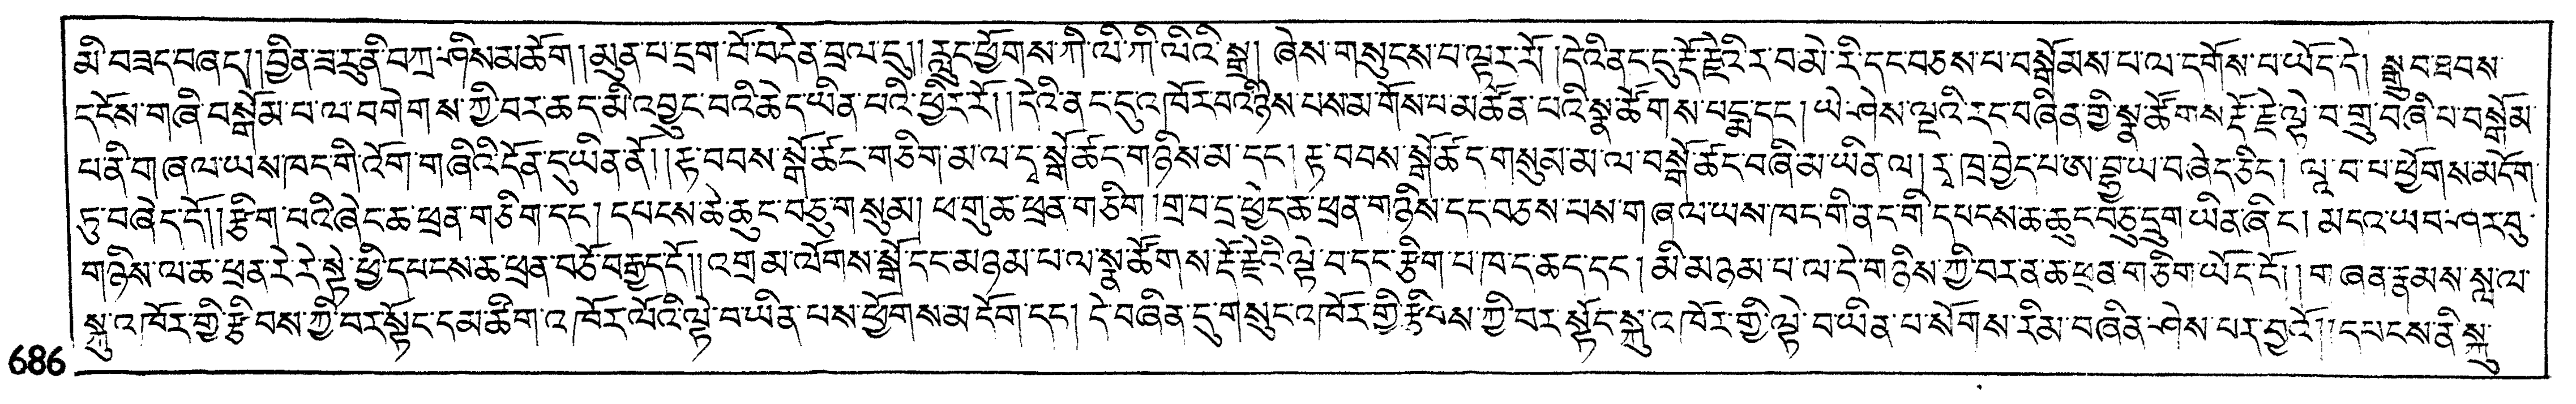མི་བཟད་བཞད། །བྱིན་ཟ་རུ་ནི་བཀྲ་ཤིས་མཆོག །མུན་པ་དྲག་པོ་བདེན་བྲལ་དུ། །རླུང་ཕྱོགས་ཀི་ལི་ཀི་ལིའི་སྒྲ། ཞེས་གསུངས་པ་ལྟར་རོ། །དེའི་ནང་དུ་རྡོ་རྗེའི་ར་བ་མེ་རི་དང་བཅས་པ་བསྒོམས་པ་ལ་དགོས་པ་ཡོད་དེ། སྒྲུབ་ཐབས་
དངོས་གཞི་བསྒོམ་པ་ལ་བགེགས་ཀྱི་བར་ཆད་མི་འབྱུང་བའི་ཆེད་ཡིན་པའི་ཕྱིར་རོ། །དེའི་ནང་དུ་འཁོར་བའི་ཉེས་པས་མ་གོས་པ་མཚོན་པའི་སྣ་ཚོགས་པདམ་དང་། ཡེ་ཤེས་ལྔའི་རང་བཞིན་གྱི་སྣ་ཚོགས་རྡོ་རྗེ་ལྟེ་བ་གྲུ་བཞི་པ་བསྒོམ་
པ་ནི་གཞལ་ཡས་ཁང་གི་འོག་གཞིའི་དོན་དུ་ཡིན་ནོ། །རྟ་བབས་སྒོ་ཚང་གཅིག་མ་ལ་དྭ་སྒོ་ཚད་གཉིས་མ་དང་། རྟ་བབས་སྒོ་ཚད་གསུམ་མ་ལ་བསྒོ་ཚད་བཞི་མ་ཡིན་ལ། རྭ་ཁྲ་བྱེད་པ་ཨ་བྷྱ་ཡ་བཞེད་ཅིང་། ལཱ་བ་པ་ཕྱོགས་མདོག་
ཏུ་བཞེད་དོ། །རྩིག་པའི་ཞེང་ཆ་ཕྲན་གཅིག་དང་། དཔངས་ཆེ་ཆུང་བཅུ་གསུམ། ཕ་གུ་ཆ་ཕྲན་གཅིག །གྲ་བ་དྲ་ཕྱེད་ཆ་ཕྲན་གཉིས་དང་བཅས་པས་གཞལ་ཡས་ཁང་གི་ནང་གི་དཔངས་ཆ་ཆུང་བཅུ་དྲུག་ཡིན་ཞིང་། མདའ་ཡབ་ཤར་བུ་
གཉིས་ལ་ཆ་ཕྲན་རེ་རེ་སྟེ་ཕྱི་དཔངས་ཆ་ཕྲན་བཅོ་བརྒྱད་དོ། །འགྲམ་ལོགས་སྒོ་དང་མཉམ་པ་ལ་སྣ་ཚོགས་རྡོ་རྗེའི་ལྟེ་བ་དང་རྩིག་པ་ཁ་ད་ཆད་དང་། མི་མཉམ་པ་ལ་དེ་གཉིས་ཀྱི་བར་ན་ཆ་ཕྲན་གཅིག་ཡོད་དོ། །གཞན་རྣམས་སླ་ལ་
སྐུ་འཁོར་གྱི་རྩིབས་ཀྱི་བར་སྟོང་དམ་ཚིག་འཁོར་ལོའི་ལྟེ་བ་ཡིན་པས་ཕྱོགས་མདོག་དང་། དེ་བཞིན་དུ་གསུང་འཁོར་གྱི་རྩིབས་ཀྱི་བར་སྟོང་སྐུ་འཁོར་གྱི་ལྟེ་བ་ཡིན་པ་སོགས་རིམ་བཞིན་ཤེས་པར་བྱའོ། །དཔངས་ནི་སྐུ་